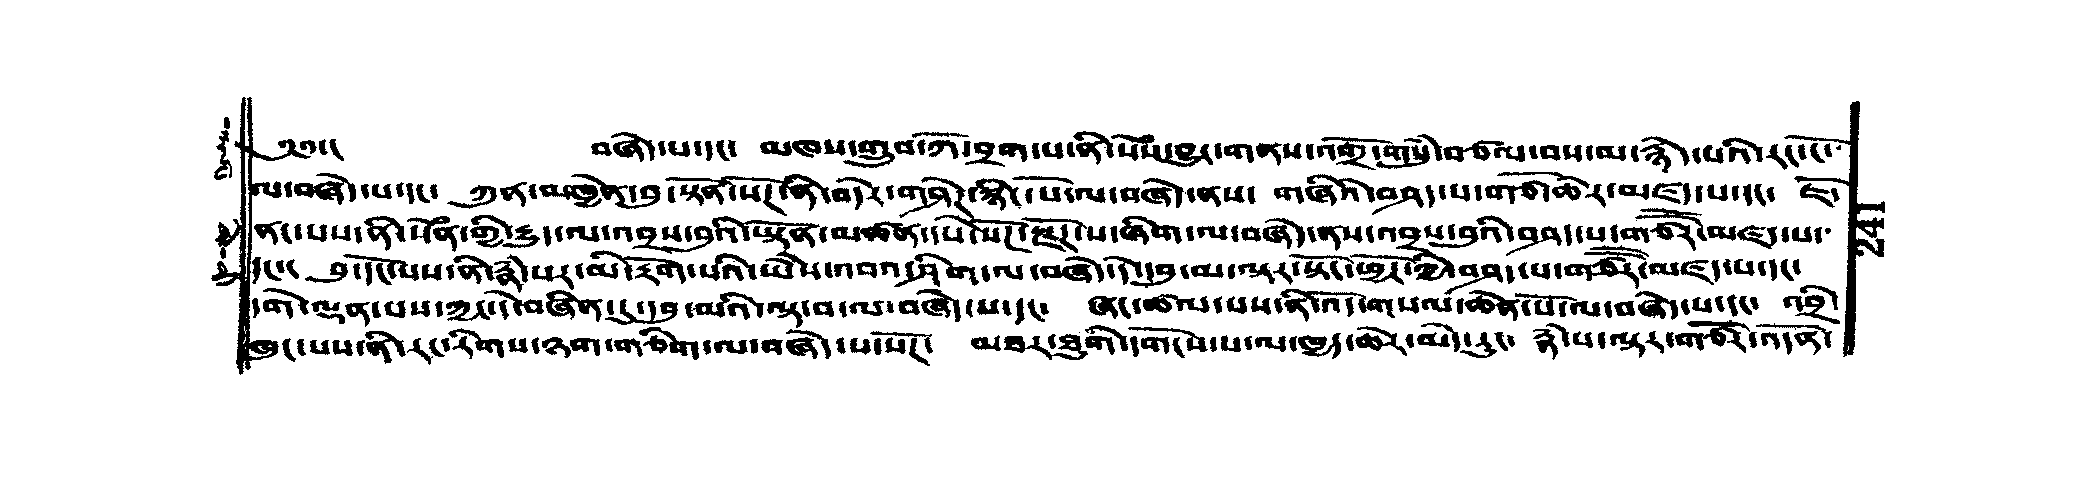བཞེད་པ་དང་། མཁས་གྲུབ་ཀོ་བྲག་པ་ནི་སེམས་བྱུང་གནས་འགྲོ་གསུམ་བཙལ་བས་མ་རྙེད་པའི་རང་ངོ་
ལ་བཞེད་པ་དང་། ཀུན་མཁྱེན་བུ་སྟོན་སོགས་ནི་བདེ་གཤེགས་སྙིང་པོ་ལ་བཞེད་ནས། གཞིའི་བཤད་པ་གཙོ་ཆེར་མཛད་པ་དང་། ཇོ་
ནང་པས་ནི་སེམས་ཅན་གྱི་རྒྱུད་ལ་འབྲས་བུའི་ཡོན་ཏན་མཚན་དཔེ་སོགས་རྫོགས་པ་ཞིག་ལ་བཞེད་ནས་འབྲས་བུའི་བཤད་པ་གཙོ་བོར་མཛད་པ་
དང་། བོ་དོང་པས་ནི་རྣམ་པར་མི་རྟོག་པའི་ཡེ་ཤེས་འབའ་ཤིག་ལ་བཞེད་དེ་དབུ་མ་ལྟར་སྟོང་ཕྱོགས་ཀྱི་བཤད་པ་གཙོ་བོར་མཛད་པ་དང་། 
དགེ་ལྡན་པས་ཀྱང་དེ་བཞིན་དུ་དབུ་མའི་ལྟ་བ་ལ་བཞེད་པ་དང་། ཞང་ཚལ་པས་ནི་འོད་གསལ་ཆེན་པོ་ལ་བཞེད་པ་དང་། འབྲི་
གུང་པས་ནི་རང་རིག་ཉག་གཅིག་ལ་བཞེད་པ་སོགས། མཐར་ཐུག་གི་དགོངས་པ་ལ་ཁྱད་ཆེར་མེད་རུང་། རྣམ་པ་ལྟར་གཙོ་བོར་འདོན་